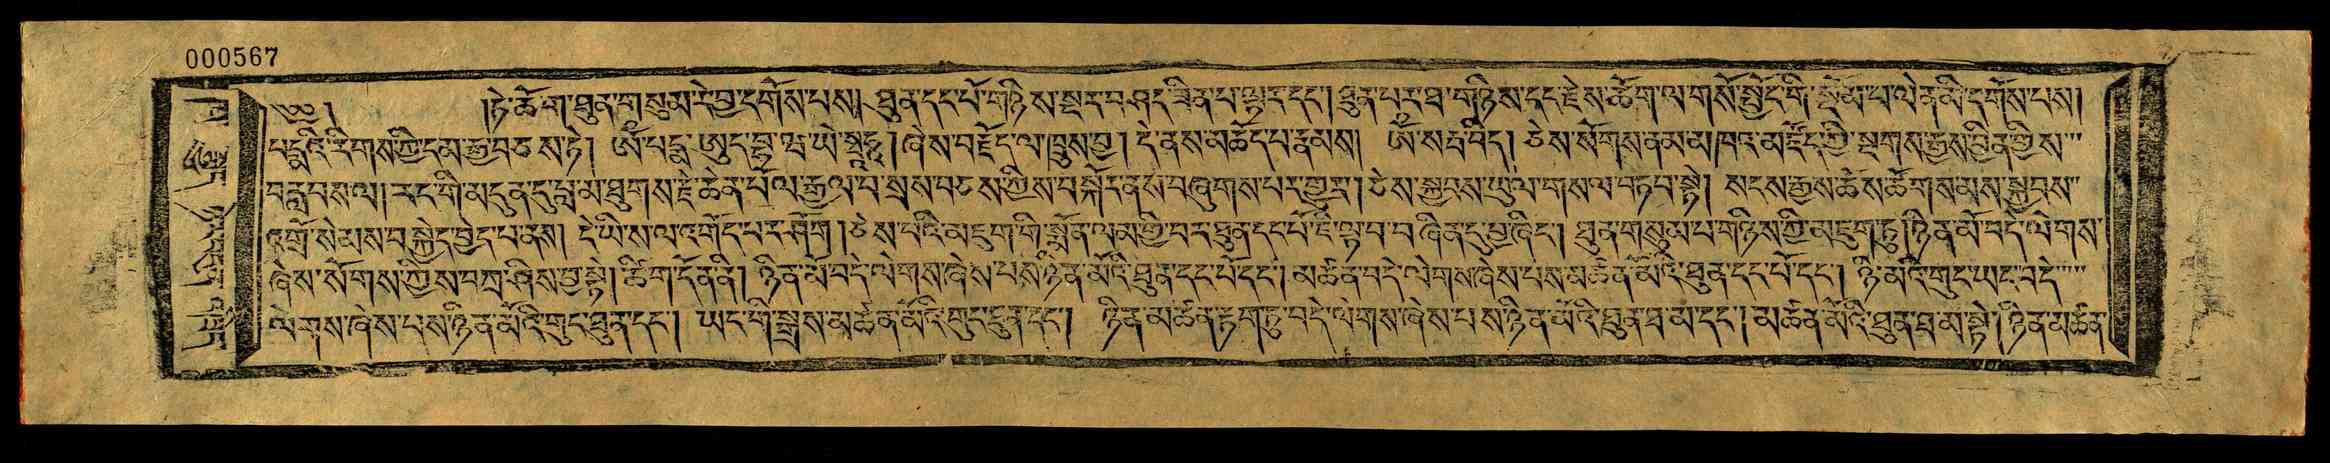༄༅། །ཏེ་ཆོག་ཐུན་གསུམ་རེ་བྱ་དགོས་པས། ཐུན་དང་པོ་གཉིས་སྔར་བཤད་ཟིན་པ་ལྟར་དང་། ཐུན་བར་ཐ་གཉིས་དང་རྗེས་ཆོག་ལ་གསོ་སྤྱོང་གི་སྡོམ་པ་ལེན་མི་དགོས་པས།
པདམའི་རིགས་ཀྱི་དམ་རྒྱ་བཅས་ཏེ། ཨོཾ་པདམ་ཨུད་བྷ་ཝ་ཡེ་སྭཱཧཱ། ཞེས་བརྗོད་ལ་ཁྲུས་བྱ། དེ་ནས་མཆོད་པ་རྣམས། ཨོཾ་སརྦ་བིད། ཅེས་སོགས་ནམ་མཁའ་མཛོད་ཀྱི་སྔགས་རྒྱས་བྱིན་གྱིས་
བརླབས་ལ། རང་གི་མདུན་དུ་བླ་མ་ཐུགས་རྗེ་ཆེན་པོ་ལ་རྒྱལ་བ་སྲས་བཅས་ཀྱིས་བསྐོར་ནས་བཞུགས་པར་གྱུར། ཅེས་སྐྱབས་ཡུལ་གསལ་བཏབ་སྟེ། སངས་རྒྱས་ཆོས་ཚོགས་མས་སྐྱབས་
འགྲོ་སེམས་བསྐྱེད་བྱེད་པ་ནས། དེ་ཡིས་ལ་འགོད་པར་ཤོག །ཅེས་པའི་མཇུག་གི་སྨོན་ལམ་གྱི་བར་ཐུན་དང་པོ་ཇི་ལྟ་བ་བཞིན་དུ་བྱ་ཞིང་། ཐུན་གསུམ་པ་གཉིས་ཀྱི་མཇུག་ཏུ། ཉིན་མོ་བདེ་ལེགས་
ཞེས་སོགས་ཀྱིས་བཀྲ་ཤིས་བྱ་སྟེ། ཚིག་དོན་ནི། ཉིན་མོ་བདེ་ལེགས་ཞེས་པས་ཉིན་མོའི་ཐུན་དང་པོ་དང་། མཚན་བདེ་ལེགས་ཞེས་པས་མཚན་མོའི་ཐུན་དང་པོ་དང་། ཉི་མའི་གུང་ཡང་བདེ་
ལེགས་ཞེས་པས་ཉིན་མོའི་གུང་ཐུན་དང་། ཡང་གི་སྒྲས་མཚན་མོའི་གུང་ཐུན་དང་། ཉིན་མཚན་རྟག་ཏུ་བདེ་ལེགས་ཞེས་པས་ཉིན་མོའི་ཐུན་ཐ་མ་དང་། མཚན་མོའི་ཐུན་ཐ་མ་སྟེ། ཉིན་མཚན་